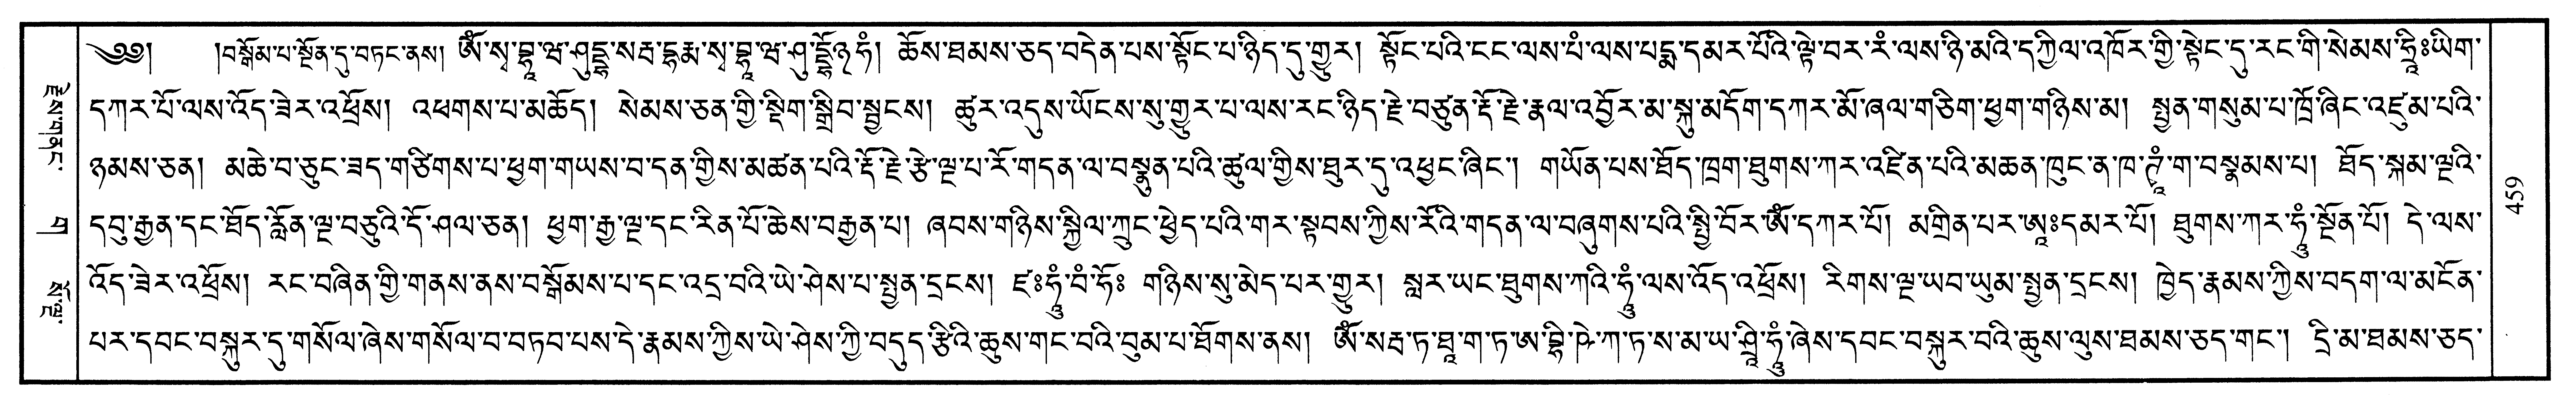༄༅། །བསྒོམ་པ་སྔོན་དུ་བཏང་ནས། ཨོཾ་སྭ་བྷཱ་ཝ་ཤུདྡྷ་སརྦ་དྷརྨ་སྭ་བྷཱ་ཝ་ཤུ་དྡྷོཉཧཾ། ཆོས་ཐམས་ཅད་བདེན་པས་སྟོང་པ་ཉིད་དུ་གྱུར། སྟོང་པའི་ངང་ལས་པཾ་ལས་པདམ་དམར་པོའི་ལྟེ་བར་རཾ་ལས་ཉི་མའི་དཀྱིལ་འཁོར་གྱི་སྟེང་དུ་རང་གི་སེམས་ཧྲཱིཿ ཡིག་
དཀར་པོ་ལས་འོད་ཟེར་འཕྲོས། འཕགས་པ་མཆོད། སེམས་ཅན་གྱི་སྡིག་སྒྲིབ་སྦྱངས། ཚུར་འདུས་ཡོངས་སུ་གྱུར་པ་ལས་རང་ཉིད་རྗེ་བཙུན་རྡོ་རྗེ་རྣལ་འབྱོར་མ་སྐུ་མདོག་དཀར་མོ་ཞལ་གཅིག་ཕྱག་གཉིས་མ། སྤྱན་གསུམ་པ་ཁྲོ་ཞིང་འཛུམ་པའི་
ཉམས་ཅན། མཆེ་བ་ཅུང་ཟད་གཙིགས་པ་ཕྱག་གཡས་བ་དན་གྱིས་མཚན་པའི་རྡོ་རྗེ་རྩེ་ལྔ་པ་རོ་གདན་ལ་བསྣུན་པའི་ཚུལ་གྱིས་ཐུར་དུ་འཕྱང་ཞིང་། གཡོན་པས་ཐོད་ཁྲག་ཐུགས་ཀར་འཛིན་པའི་མཆན་ཁུང་ན་ཁ་ཊྭཱཾ་ག་བསྣམས་པ། ཐོད་སྐམ་ལྔའི་
དབུ་རྒྱན་དང་ཐོད་རློན་ལྔ་བཅུའི་དོ་ཤལ་ཅན། ཕྱག་རྒྱ་ལྔ་དང་རིན་པོ་ཆེས་བརྒྱན་པ། ཞབས་གཉིས་སྐྱིལ་ཀྲུང་ཕྱེད་པའི་གར་སྟབས་ཀྱིས་རོའི་གདན་ལ་བཞུགས་པའི་སྤྱི་བོར་ཨོཾ་དཀར་པོ། མགྲིན་པར་ཨཱཿ དམར་པོ། ཐུགས་ཀར་ཧཱུཾ་སྔོན་པོ། དེ་ལས་
འོད་ཟེར་འཕྲོས། རང་བཞིན་གྱི་གནས་ནས་བསྒོམས་པ་དང་འདྲ་བའི་ཡེ་ཤེས་པ་སྤྱན་དྲངས། ཛཿ ཧཱུཾ་བཾ་ཧོཿ གཉིས་སུ་མེད་པར་གྱུར། སླར་ཡང་ཐུགས་ཀའི་ཧཱུཾ་ལས་འོད་འཕྲོས། རིགས་ལྔ་ཡབ་ཡུམ་སྤྱན་དྲངས། ཁྱེད་རྣམས་ཀྱིས་བདག་ལ་མངོན་
པར་དབང་བསྐུར་དུ་གསོལ་ཞེས་གསོལ་བ་བཏབ་པས་དེ་རྣམས་ཀྱིས་ཡེ་ཤེས་ཀྱི་བདུད་རྩིའི་ཆུས་གང་བའི་བུམ་པ་ཐོགས་ནས། ཨོཾ་སརྦ་ཏ་ཐཱ་ག་ཏ་ཨ་བྷི་ཥེ་ཀ་ཏ་ས་མ་ཡ་ཤྲཱི་ཧཱུཾ་ཞེས་དབང་བསྐུར་བའི་ཆུས་ལུས་ཐམས་ཅད་གང་། དྲི་མ་ཐམས་ཅད་